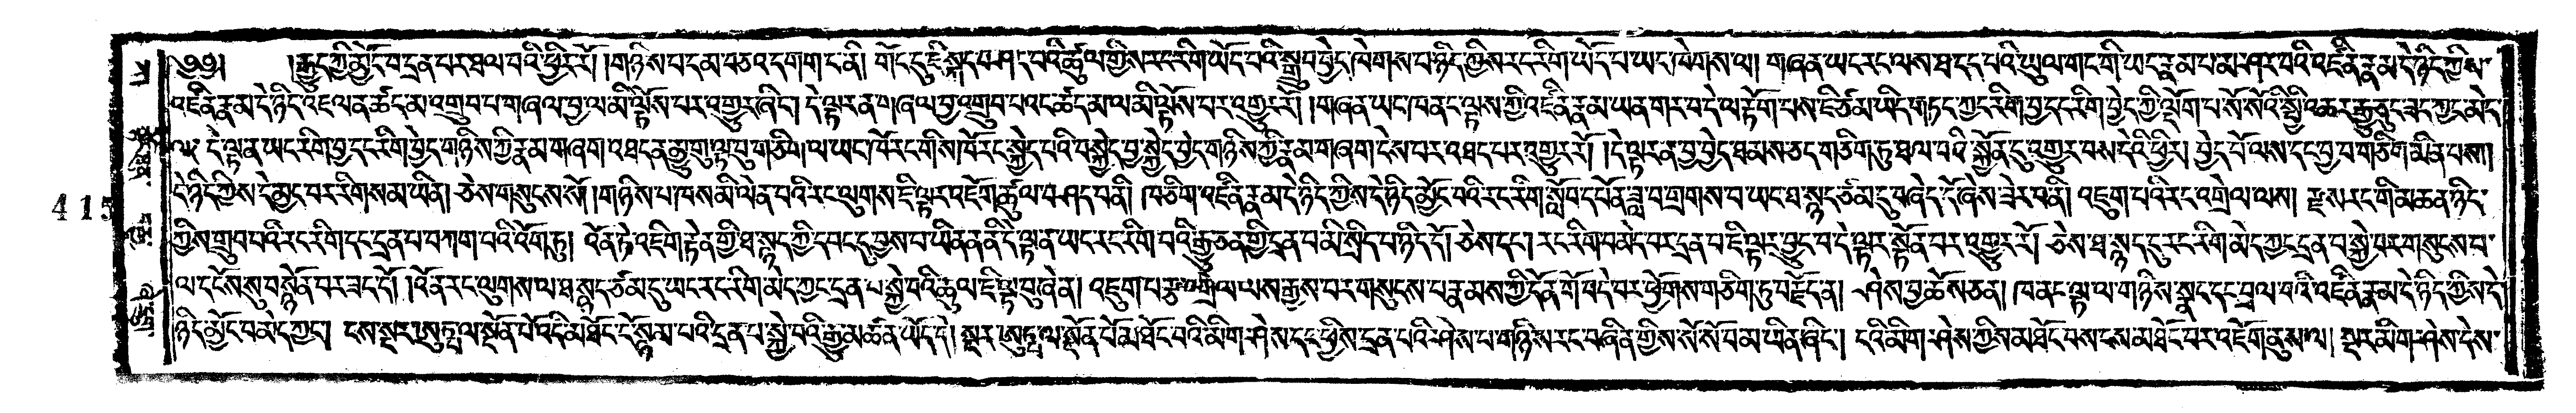༄༅། །རྒྱུད་ཀྱི་མྱོང་བ་དྲན་པར་ཐལ་བའི་ཕྱིར་རོ། །གཉིས་བ་དམ་བཅའ་དགག་པ་ནི། གོང་དུ་ཇི་སྐད་བཤད་པའི་ཚུལ་གྱིས་རང་རིག་ཡོད་པའི་སྒྲུབ་བྱེད་ཁེགས་བ་ཉིད་ཀྱིས་རང་རིག་ཡོད་པ་ཡང་ཁེགས་ལ། གཞན་ཡང་རང་ལས་ཐ་དད་པའི་ཡུལ་གང་གི་ཡང་རྣམ་བམ་ཤར་བའི་འཛིན་རྣམ་དེ་ཉིད་ཀྱིས་
འཛིན་རྣམ་དེ་ཉིད་འཇལ་ན་ཚད་མ་འགྲུབ་པ་གཞལ་བྱ་ལ་མི་ལྟོས་པར་འགྱུར་ཞིང་། དེ་ལྟར་ན་གཞལ་བྱ་འགྲུབ་པའང་ཚད་མ་ལ་མི་ལྟོས་པར་འགྱུར་རོ། །གཞན་ཡང་ཁ་ནང་ལྟས་ཀྱི་འཛིན་རྣམ་ཡན་གར་བདེ་ལ་རྟོག་པས་ཇི་ཙམ་ཡིད་གཏང་ཀྱང་རིག་བྱ་དང་རིག་བྱེད་ཀྱི་ལྡོག་པ་སོ་སོའི་སྤྱི་འཆར་རྒྱུ་ཅུང་ཟད་ཀྱང་མེད་
ལ༑ དེ་ལྟ་ན་ཡང་རིག་བྱ་དང་རིག་བྱེད་གཉིས་ཀྱི་རྣམ་གཞག་འཐད་ན་མྱུ་གུ་ལྟ་བུ་གཅིག་ལ་ཡང་ཁོ་རང་གིས་ཁོ་རང་སྐྱེད་བའི་བསྐྱེད་བྱ་སྐྱེད་བྱེད་གཉིས་ཀྱི་རྣམ་གཞག་ངེས་པར་འཐད་པར་འགྱུར་རོ། །དེ་ལྟར་ན་བྱ་བྱེད་ཐམས་ཅད་གཅིག་ཏུ་ཐལ་བའི་སྐྱོན་དུ་འགྱུར་བས་དེའི་ཕྱིར། བྱེད་བོ་ལས་དང་བྱ་བ་གཅིག་མིན་པས།།
དེ་ཉིད་ཀྱིས་དེ་མྱང་བར་རིགས་མ་ཡིན། ཅེས་གསུངས་སོ། །གཉིས་པ་ཁས་མི་ལེན་བའི་རང་ལུགས་ཇི་ལྟར་འཇོག་ཚུལ་བཤད་པ་ནི། ཁ་ཅིག་འཛིན་རྣམ་དེ་ཉིད་ཀྱིས་དེ་ཉིད་མྱོང་བའི་རང་རིག་སློབ་དཔོན་ཟླ་བ་གྲགས་པ་ཡང་ཐ་སྙད་ཙམ་དུ་བཞེད་དོ་ཞེས་ཟེར་བ་ནི། འཇུག་པའི་རང་འགྲེལ་ལས། རྫས་རང་གི་མཆན་ཉིད་
ཀྱིས་གྲུབ་པའི་རང་རིག་དང་དྲན་པ་བཀག་པའི་འོག་ཏུ། འོན་ཏེ་འཇིག་རྟེན་གྱི་ཐ་སྙད་ཀྱི་དབང་དུ་བྱས་པ་ཡིན་ན་ནི་དེ་ལྟ་ན་ཡང་རང་རིག་པའི་རྒྱུ་ཅན་གྱི་དྲན་བ་མི་སྲིད་པ་ཉིད་དོ། ཅེས་དང་། རང་རིག་བ་མེད་པར་དྲན་པ་ཇི་ལྟར་བྱུང་བ་དེ་ལྟར་སྟོན་པར་འགྱུར་རོ། ཅེས་ཐ་སྙད་དུ་རང་རིག་མེད་ཀྱང་དྲན་བསྐྱེ་བར་གསུངས་པ་
ལ་དངོས་སུ་བསྙོན་བར་ཟང་དོ། །འོ་ན་རང་ལུགས་ལ་ཐ་སྙད་ཙམ་དུ་ཡང་རང་རིག་མེད་ཀྱང་དྲན་པ་སྐྱེ་བའི་ཆུལ་ཇི་ལྟ་བུ་ཞེ་ན། འཇུག་བརྩ་འགྲེལ་ལས་རྒྱས་པར་གསུངས་པ་རྣམས་ཀྱི་དོན་གོ་བདེ་བར་ཕྱོགས་གཅིག་ཏུ་བརྗོད་ན། ཤེས་བྱ་ཆོས་ཅན། ཁ་ནང་ལྟ་ལ་གཉིས་སྣང་དང་བྲལ་བའི་འཛིན་རྣམ་དེ་ཉིད་ཀྱིས་དེ་
ཉིད་མྱོང་བ་མེད་ཀྱང་། ངས་སྔར་ཨུཏྤ་ལ་སྔོན་པོ་འདི་མཐོང་ངོ་སྙམ་བའི་དྲན་པ་སྐྱེ་བའི་རྒྱུ་མཚན་ཡོད་དེ། སྔར་ཨུཏྤ་ལ་སྔོན་པོ་མཐོང་བའི་མིག་ཤེས་དང་ཕྱིས་དྲན་བའི་ཤེས་པ་གཉིས་རང་བཞིན་གྱིས་སོ་སོ་བ་མ་ཡིན་ཞིང་། ངའི་མིག་ཤེས་ཀྱིས་མཐོང་བས་བསངས་མཐོང་བར་འཇོག་ནུས་ལ། སྔར་མིག་ཤེས་དེས་